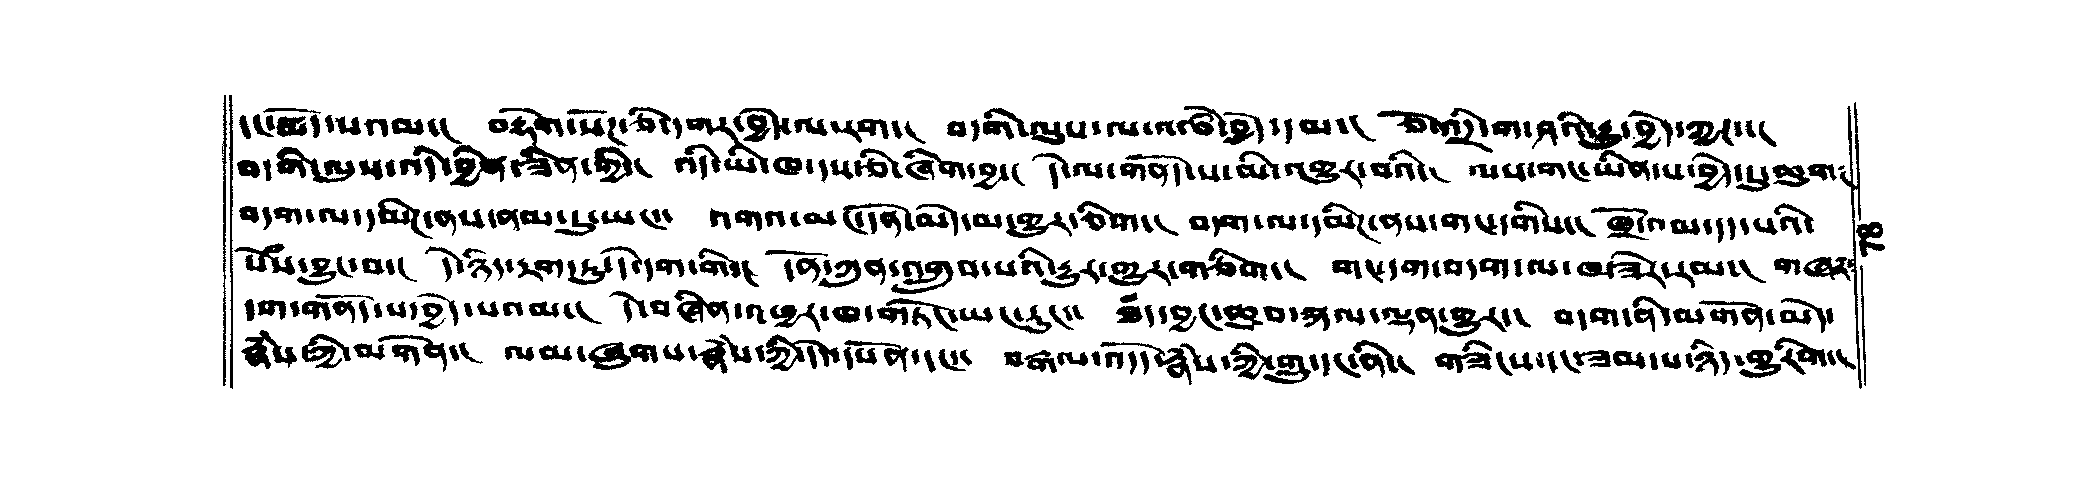དང་སྨོད་པའམ། བརྡོག་སོགས་ཅི་དགར་བྱེད་ལ་རག བདག་གི་ལུས་ལ་འཚེ་བྱེད་དམ། ཅོ་འདྲི་ག་ཤའི་རྒྱུ་བྱེད་ཀྱང་། 
བདག་གི་ལུས་འདི་བྱིན་ཟིན་གྱི། འདི་ཡི་ཁ་དས་ཅི་ཞིག་བྱ། དེ་ལ་གནོད་པ་མི་འགྱུར་བའི། ལས་གང་ཡིན་པ་བྱེད་དུ་ཆུག 
བདག་ལ་དམིགས་ནས་ནམ་དུ་ཡང་། འགའ་མང་དོན་མེད་མ་གྱུར་ཅིག བདག་ལ་དམིགས་ནས་གང་དག་གིས། ཁྲོ་འམ་དད་པའི་
སེམས་བྱུང་བ། དེ་ཉིད་རྟག་ཏུ་དེ་དག་གི དོན་ཀུན་འགྲུབ་པའི་རྒྱུད་གྱུར་གཅིག གང་དག་བདག་ལ་ཁ་ཟེར་རམ། གཞན་
དག་གནོད་པ་བྱེད་པའམ། དེ་བཞིན་འཕྱར་ཁ་གཏོང་ཡང་རུང་། ཐམས་ཅད་བྱང་ཆུབ་སྐལ་ལྡན་གྱུར། བདག་ནི་མགོན་མེད་
རྣམས་ཀྱི་མགོན། ལམ་ཞུགས་རྣམས་ཀྱི་དེད་དཔོན་དང་། བརྒལ་འདོད་རྣམས་ཀྱི་གྲུ་དང་ནི། གཟིངས་དང་ཟམ་པ་ཉིད་གྱུར་རིག